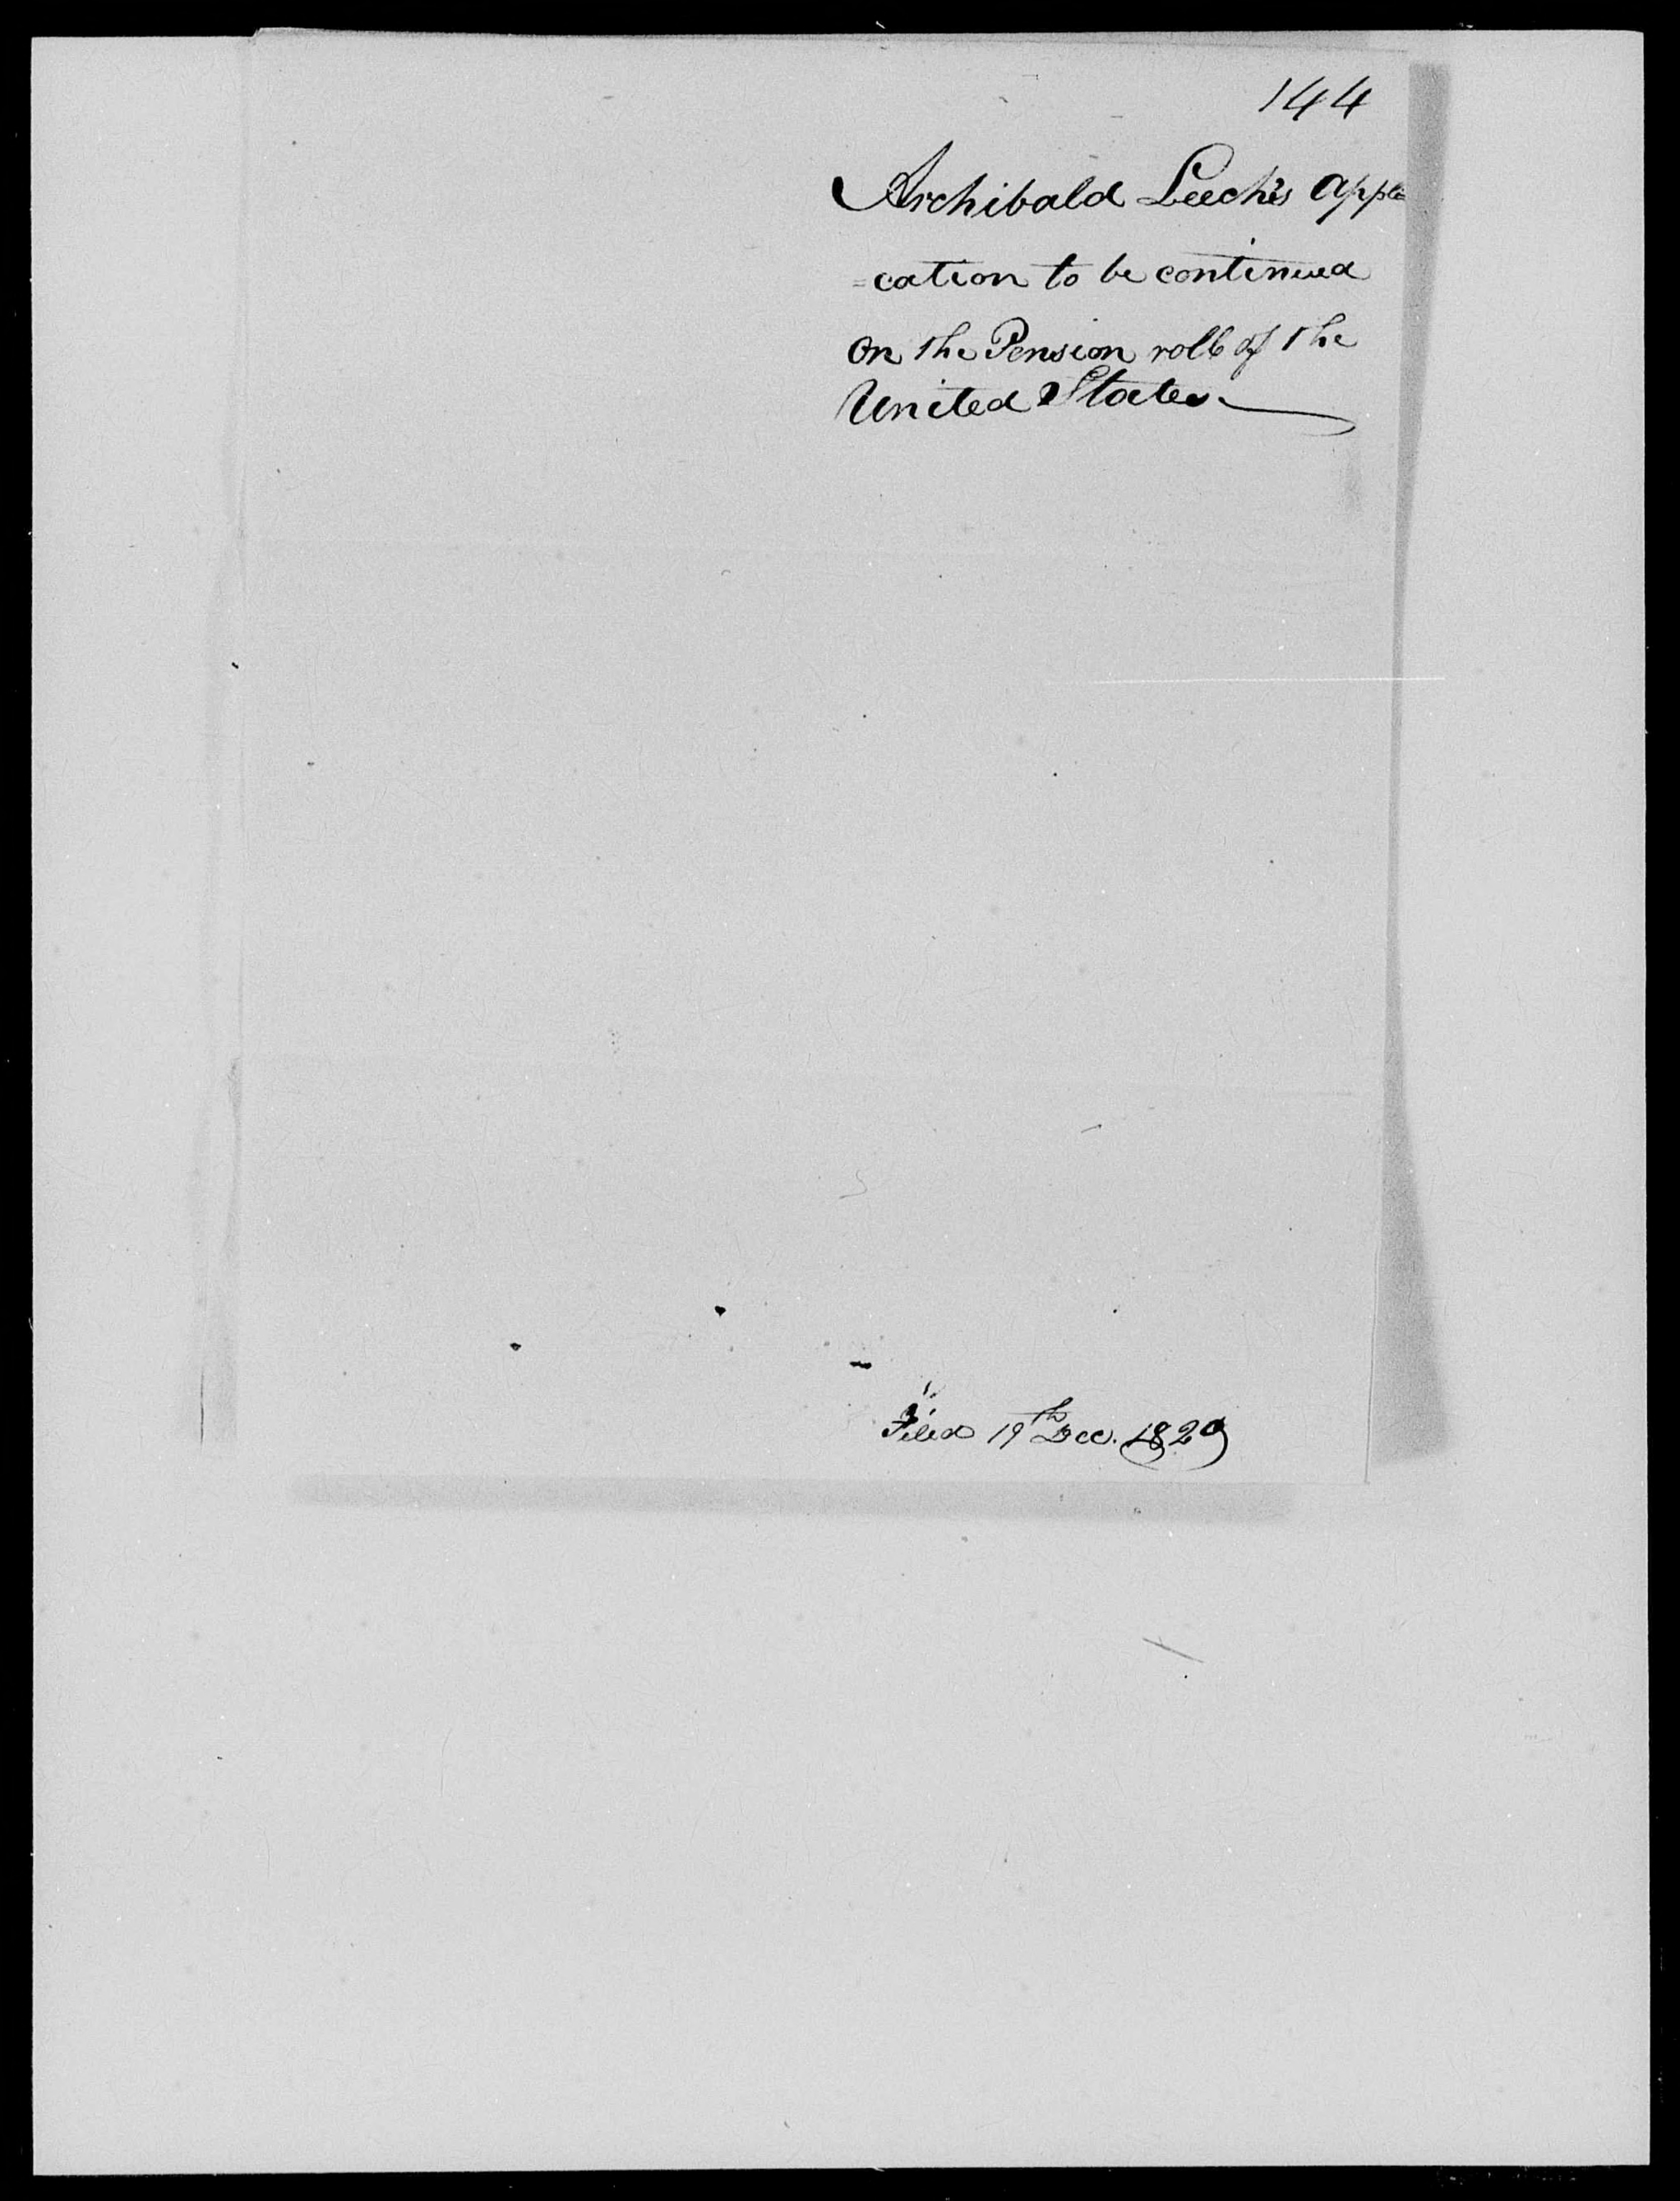144
Archibald Leech's Application to be continued on the Pension roll of the United States
Filed 19th Dec. 1820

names: Archibald Leech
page: 8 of 20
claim: survivor's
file: S. 40,935, for Archibald Leech, Pennsylvania